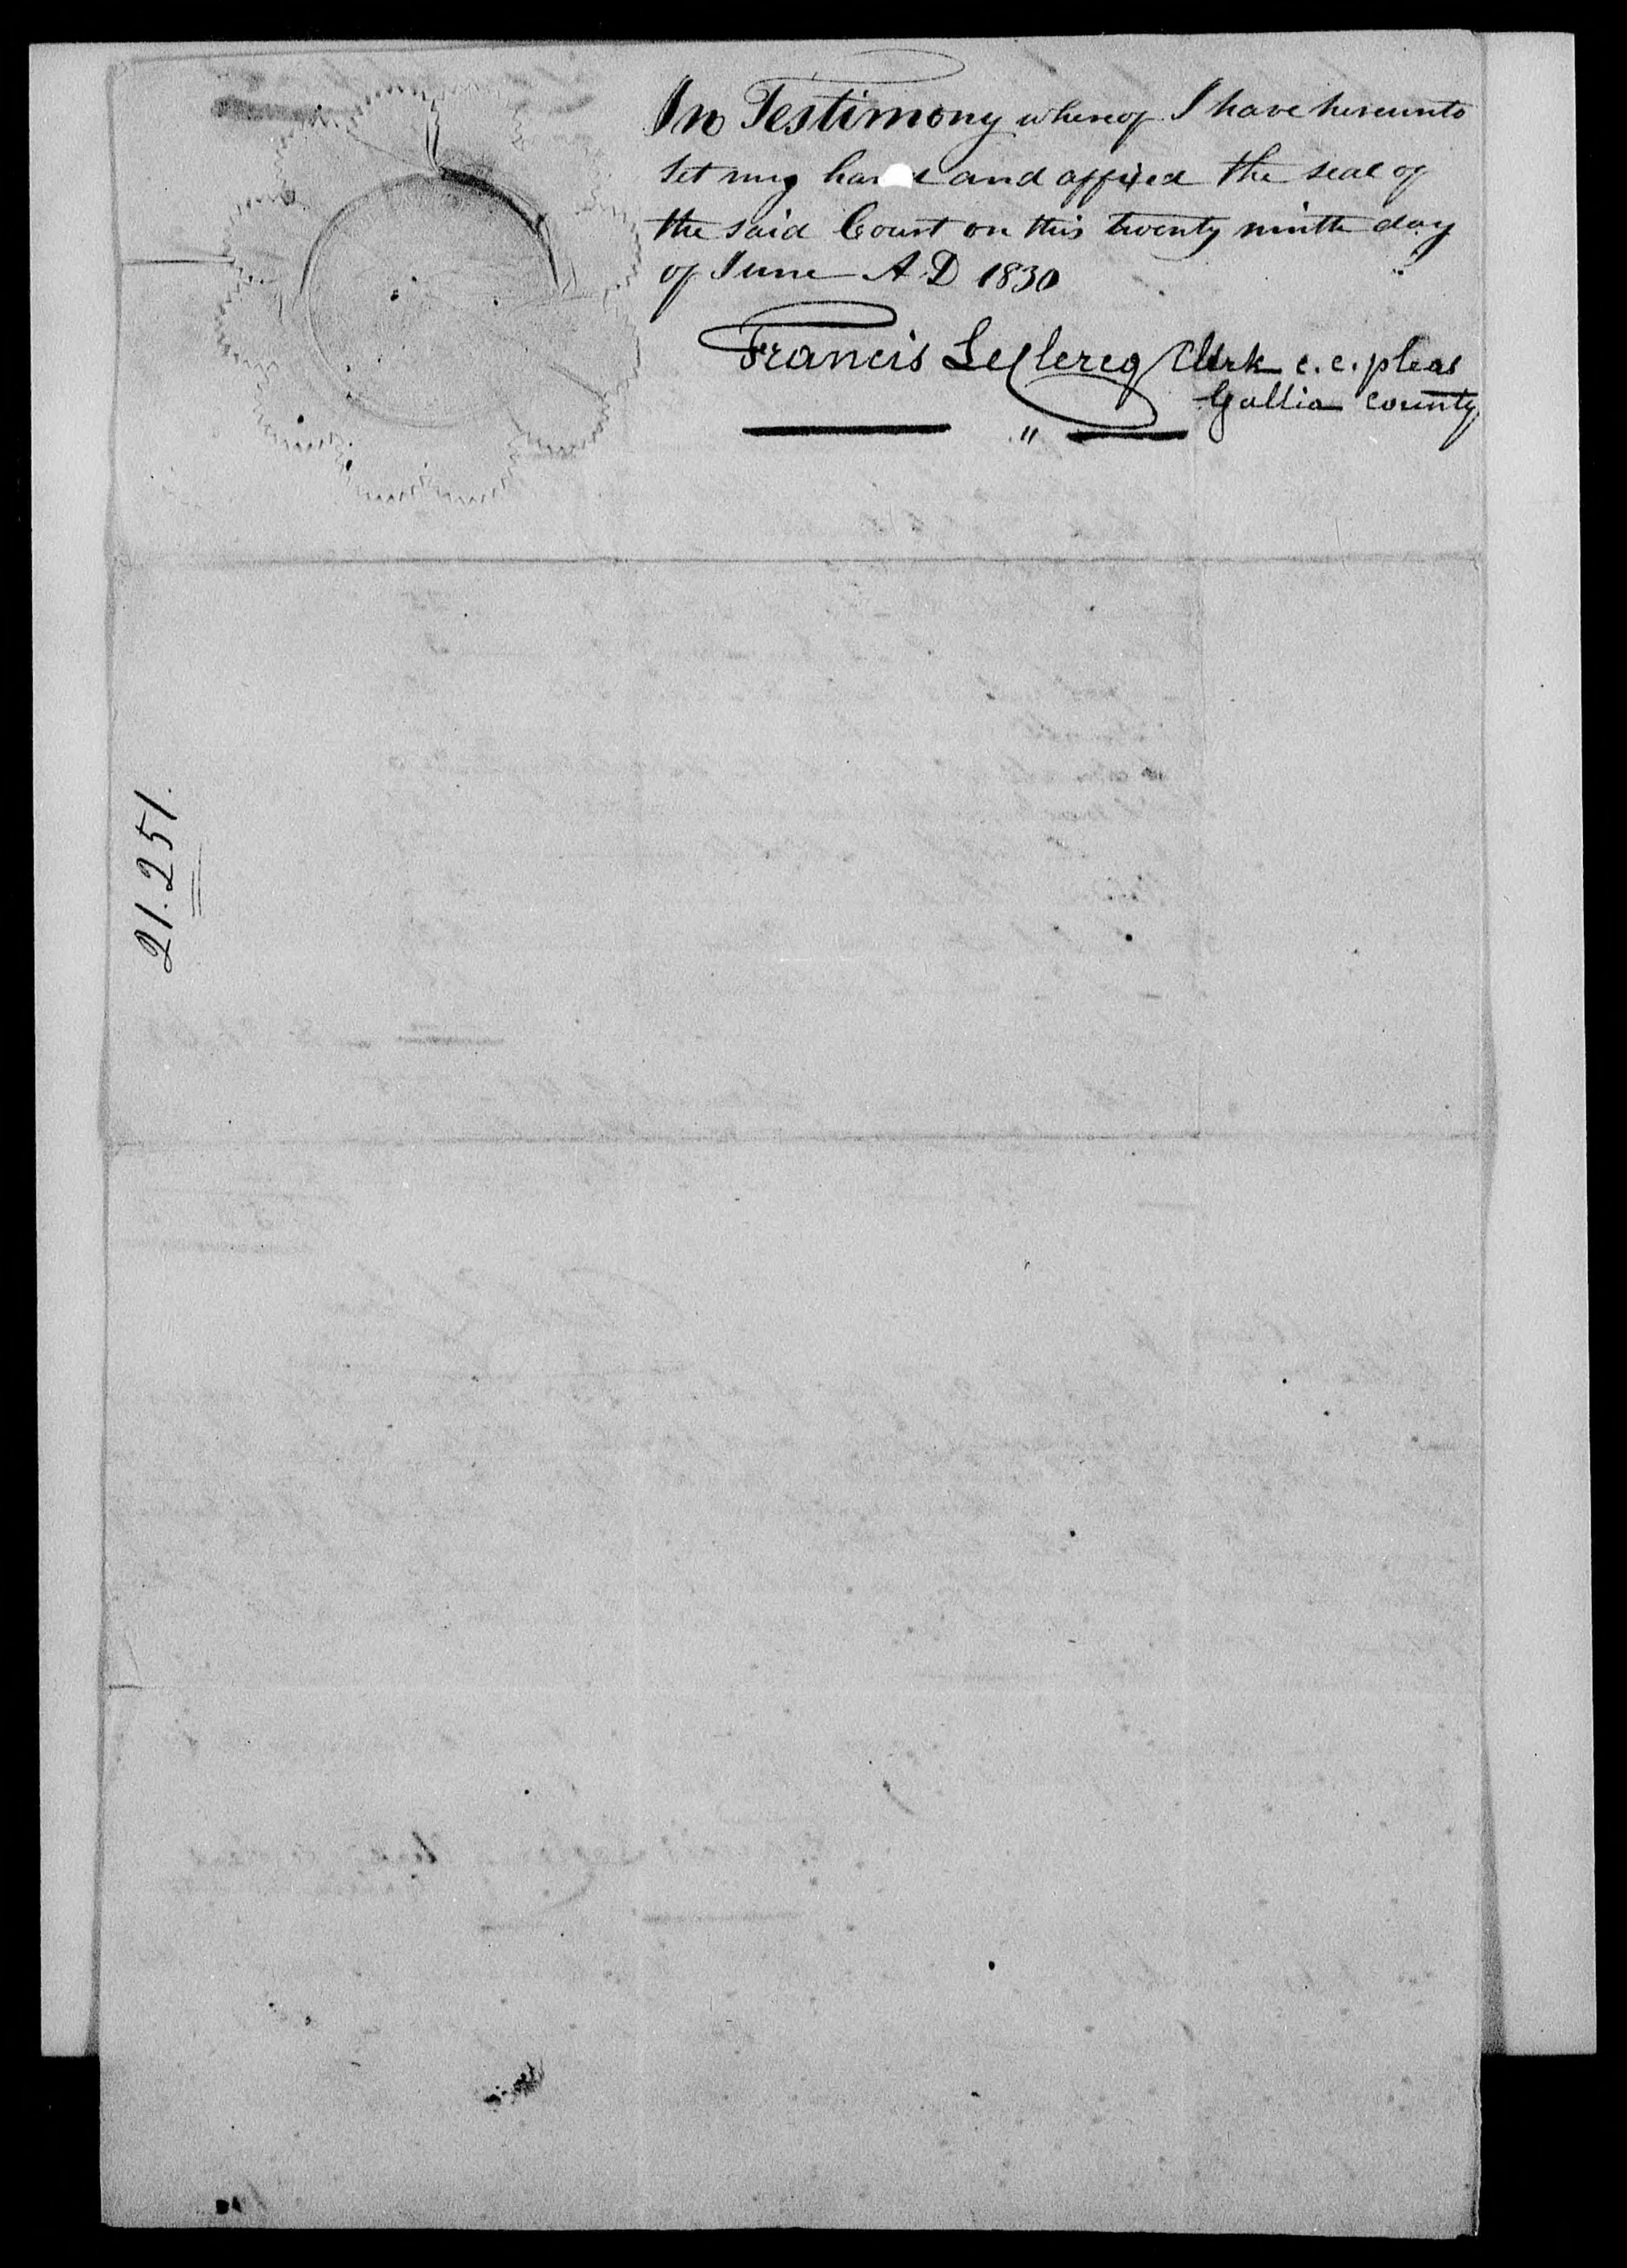In Testimony whereof I have hereunto
set my hand and affixed the seal of
the said Court in this ninth
of June AD 1830
Francis Leclereq Clerk C.C. Pleas
Gallia County
[Illegible paper seal attached]
[Handwritten perpendicular to top] 21.251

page: 16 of 62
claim: widow's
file: W. 765, for Richard L Jones, Connecticut